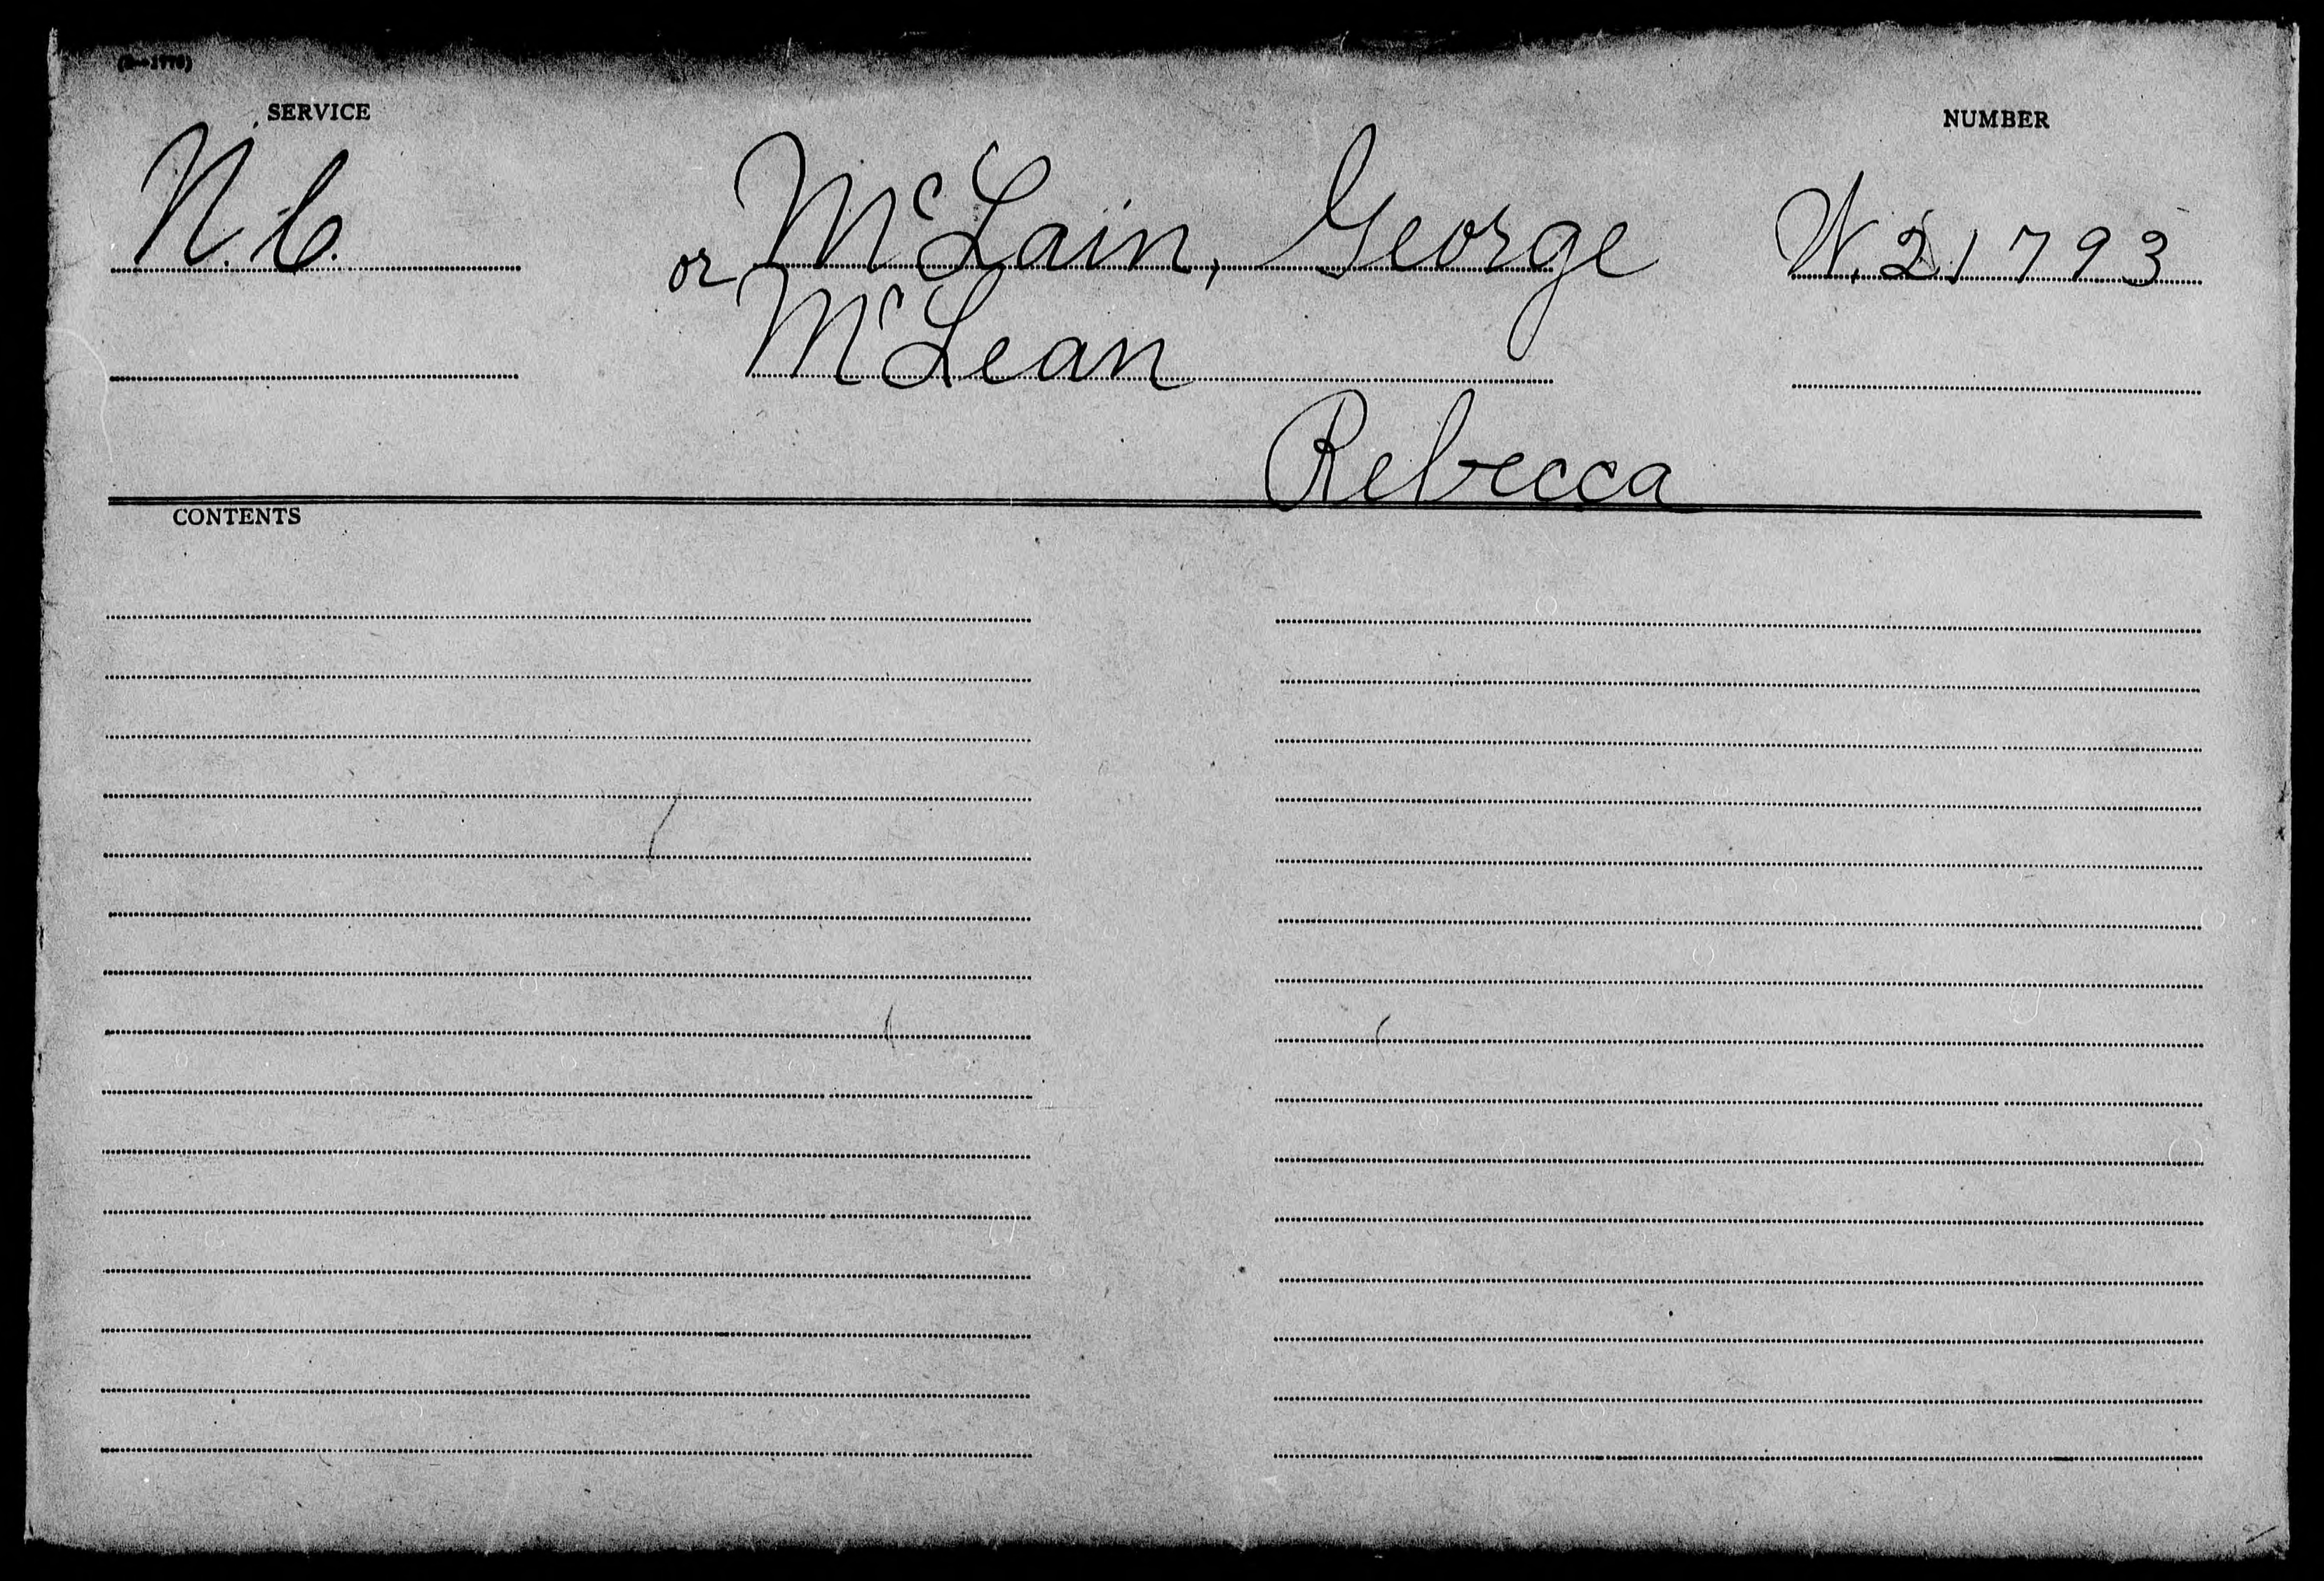[typed form, with handwritten responses]

[3-1776]

SERVICE
N.C.

McLain, George
or McLean
Rebecca

NUMBER
W.21793

CONTENTS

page: 1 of 67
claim: widow's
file: W. 21793, for George Mc Lain, North Carolina